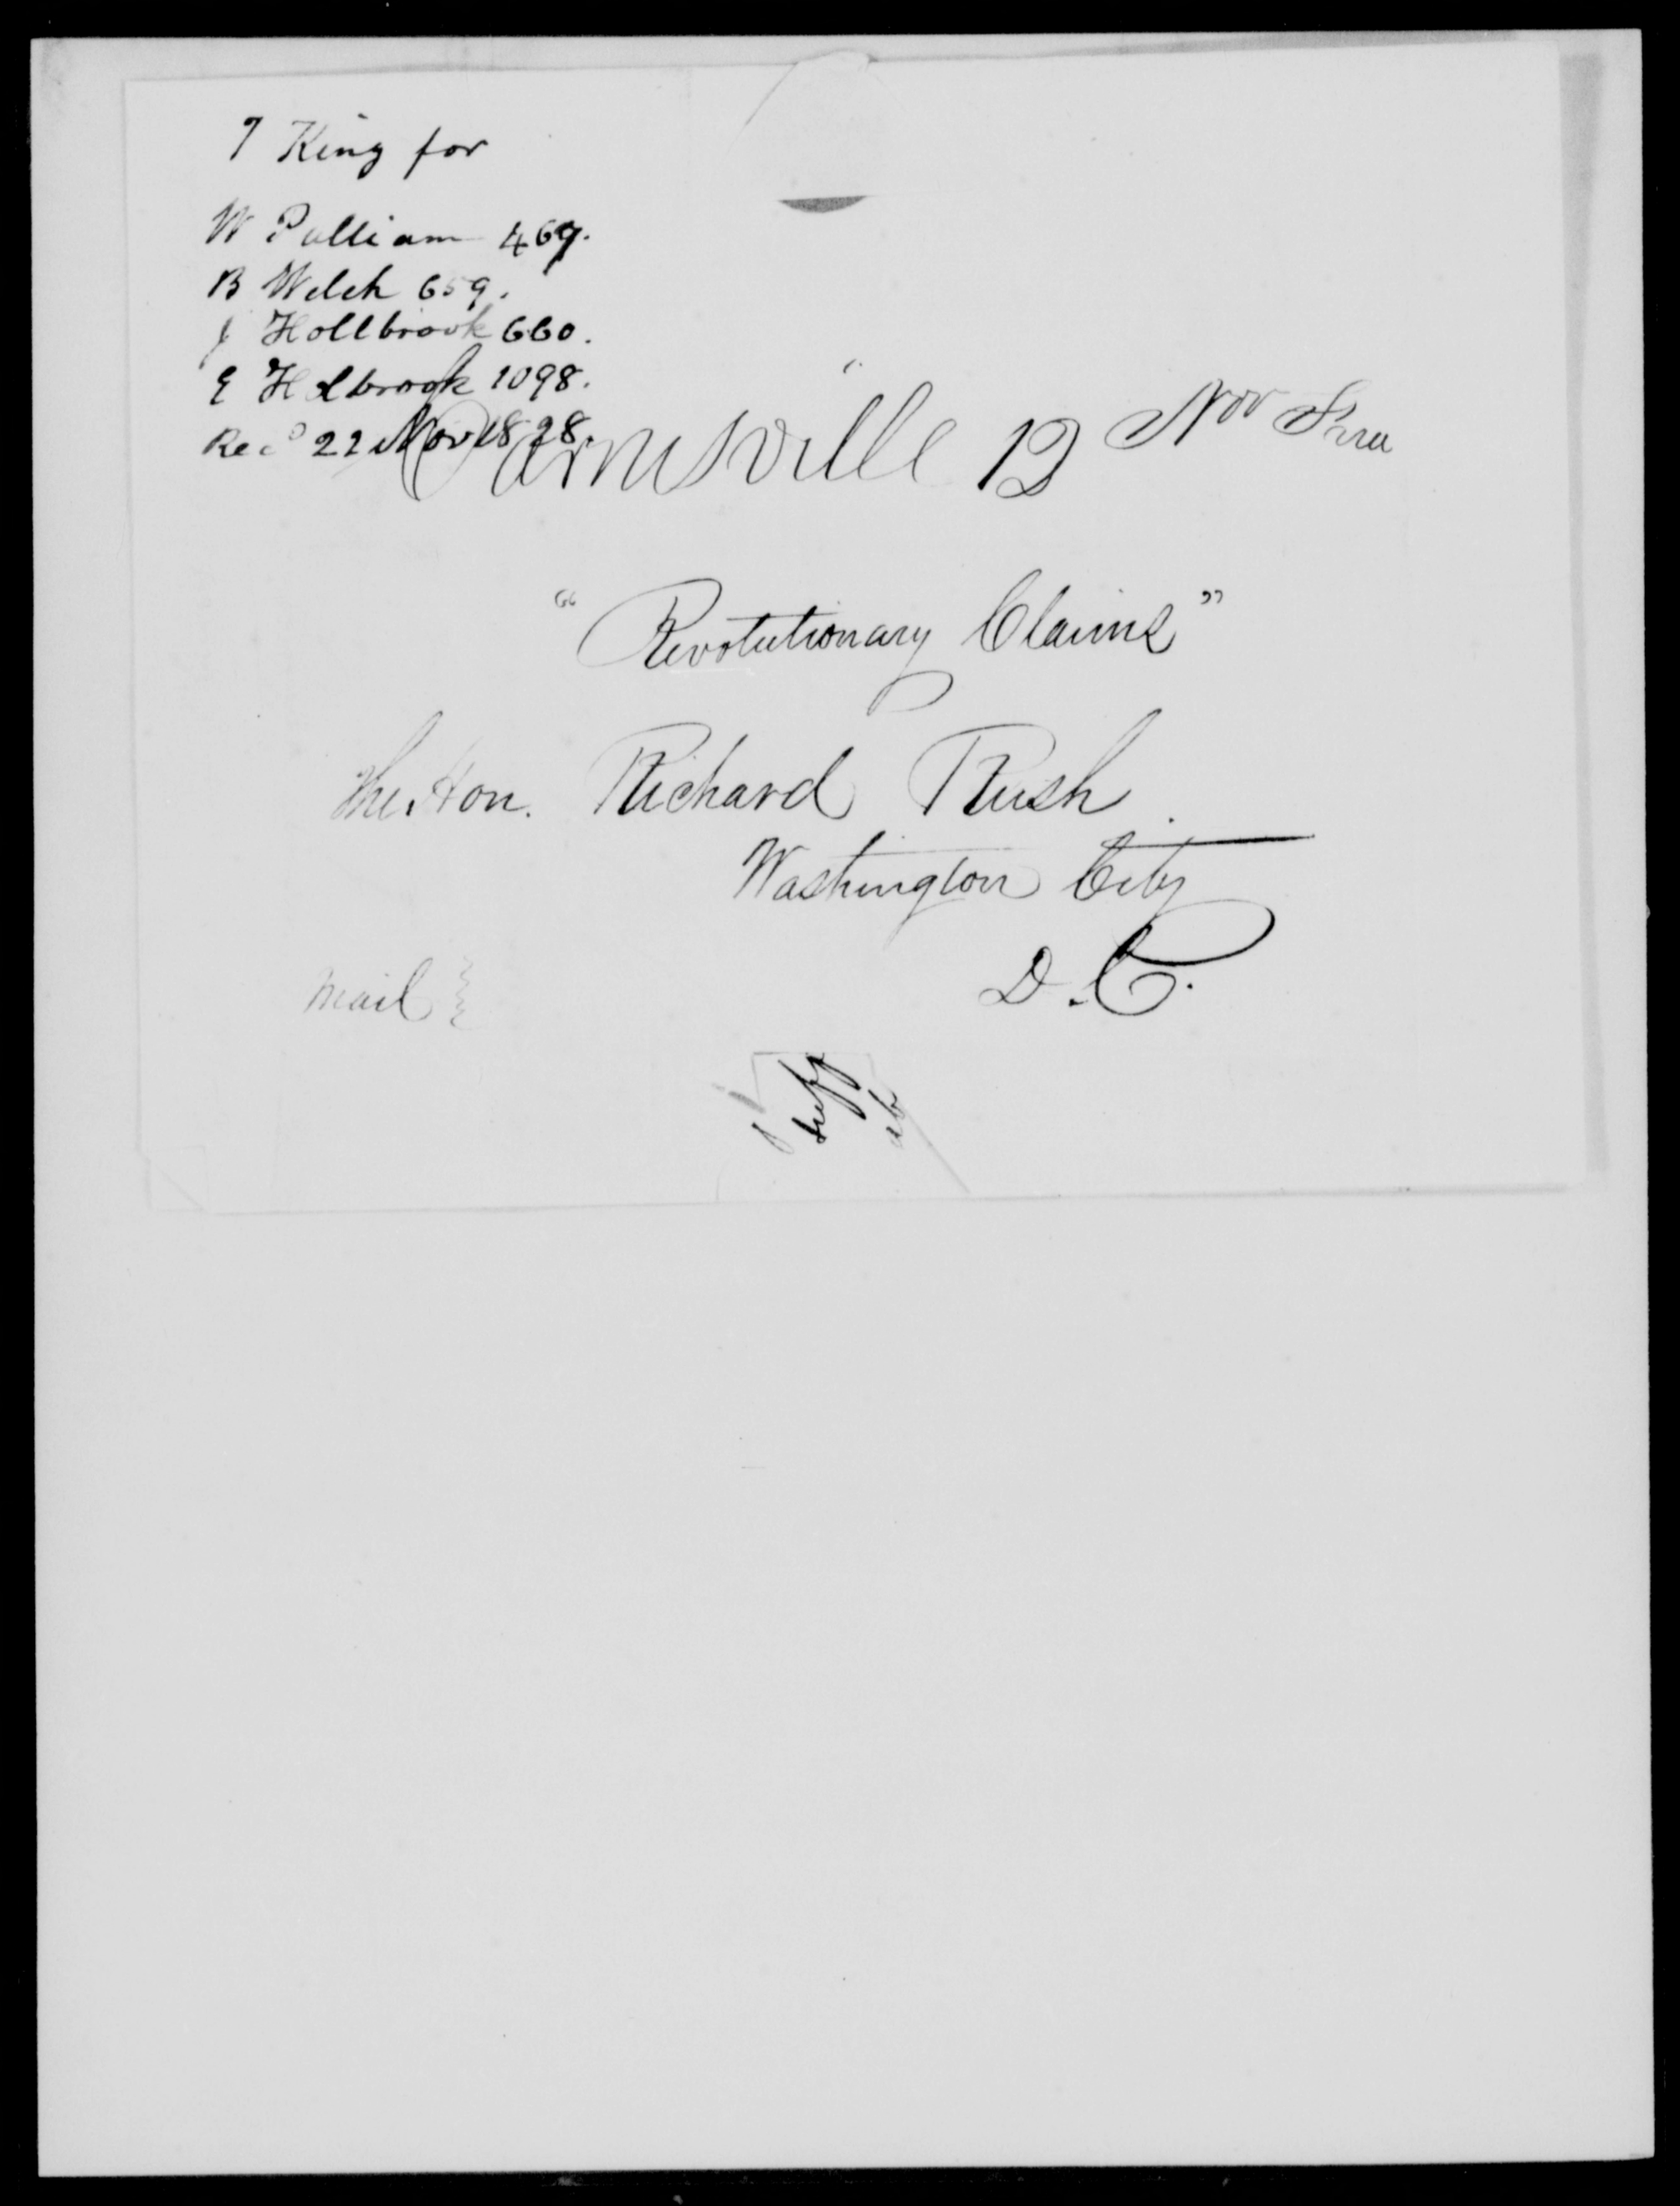T King for
W Pulliam 469
B Welch 669
 J Hollbrook 660
E Hollbrook 1098
Rec 22 Nov 1828
Carniville 12 Nov 
"Revolutionary Claims"
Milton. Richard Rush
Washington City
D.C.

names: E Hollbrook, B Welch, T King, W Pulliam, Richard Rush, J Hollbrook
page: 6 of 23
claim: rejected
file: R. 20,446, Benjamin Welch, Ga.